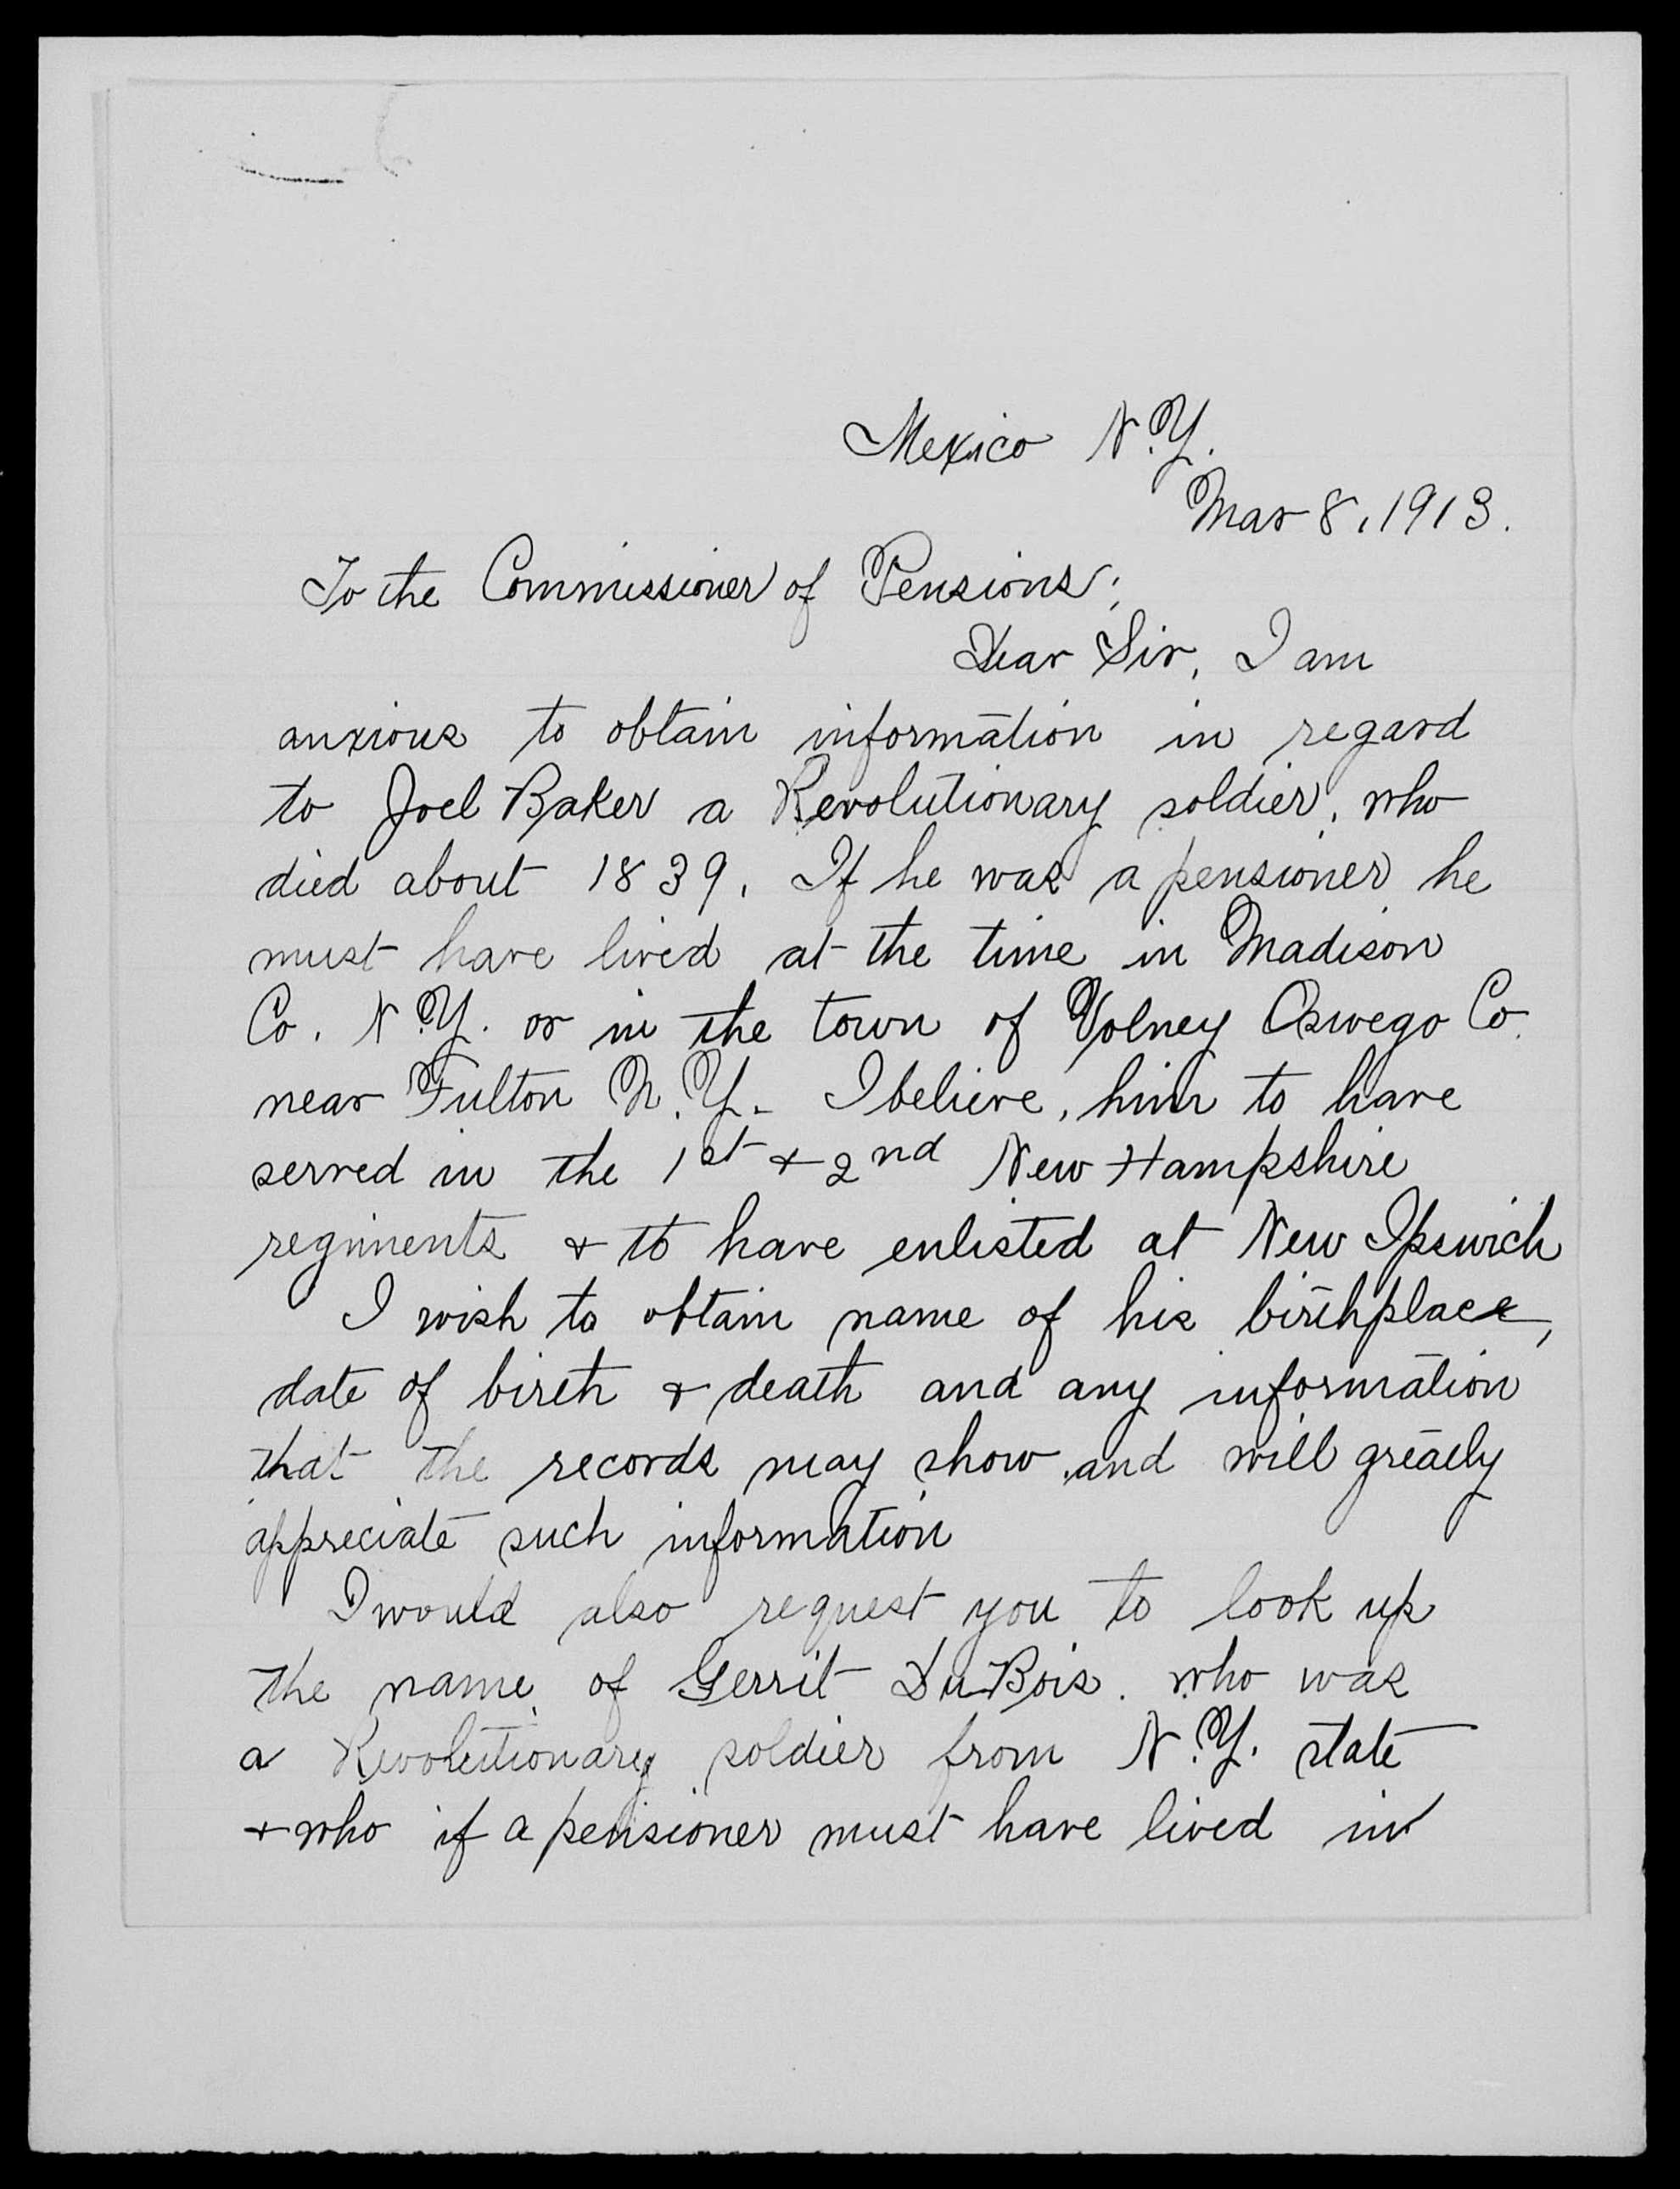Mexico N.Y.
Mar 8, 1913

To the Commissioner of Pensions:

Dear Sir, I am anxious to obtain information in regard to Joel Baker a Revolutionary 
soldier, who died about 1839. If he was a pensioner he must have lived at the time in Madison Co N. Y. or in the town of Volney Oswego Co. near Fulton N.Y. I believe him to have served in the 1st & 2nd New Hampshire regiments & to have enlisted at New Ipswich.
I wish to obtain name of his birthplace, date of birth & death and any information
that the records may show and will greatly appreciate such information.
I would also request you to look up the name of Gerrit Dubois. who was a
Revolutionary soldier from N.Y. State who if a pensioner must have lived in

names: Gerrit Du Bois, Joel Baker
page: 35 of 36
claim: widow's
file: W 20995, Gerrit Dubois, New York